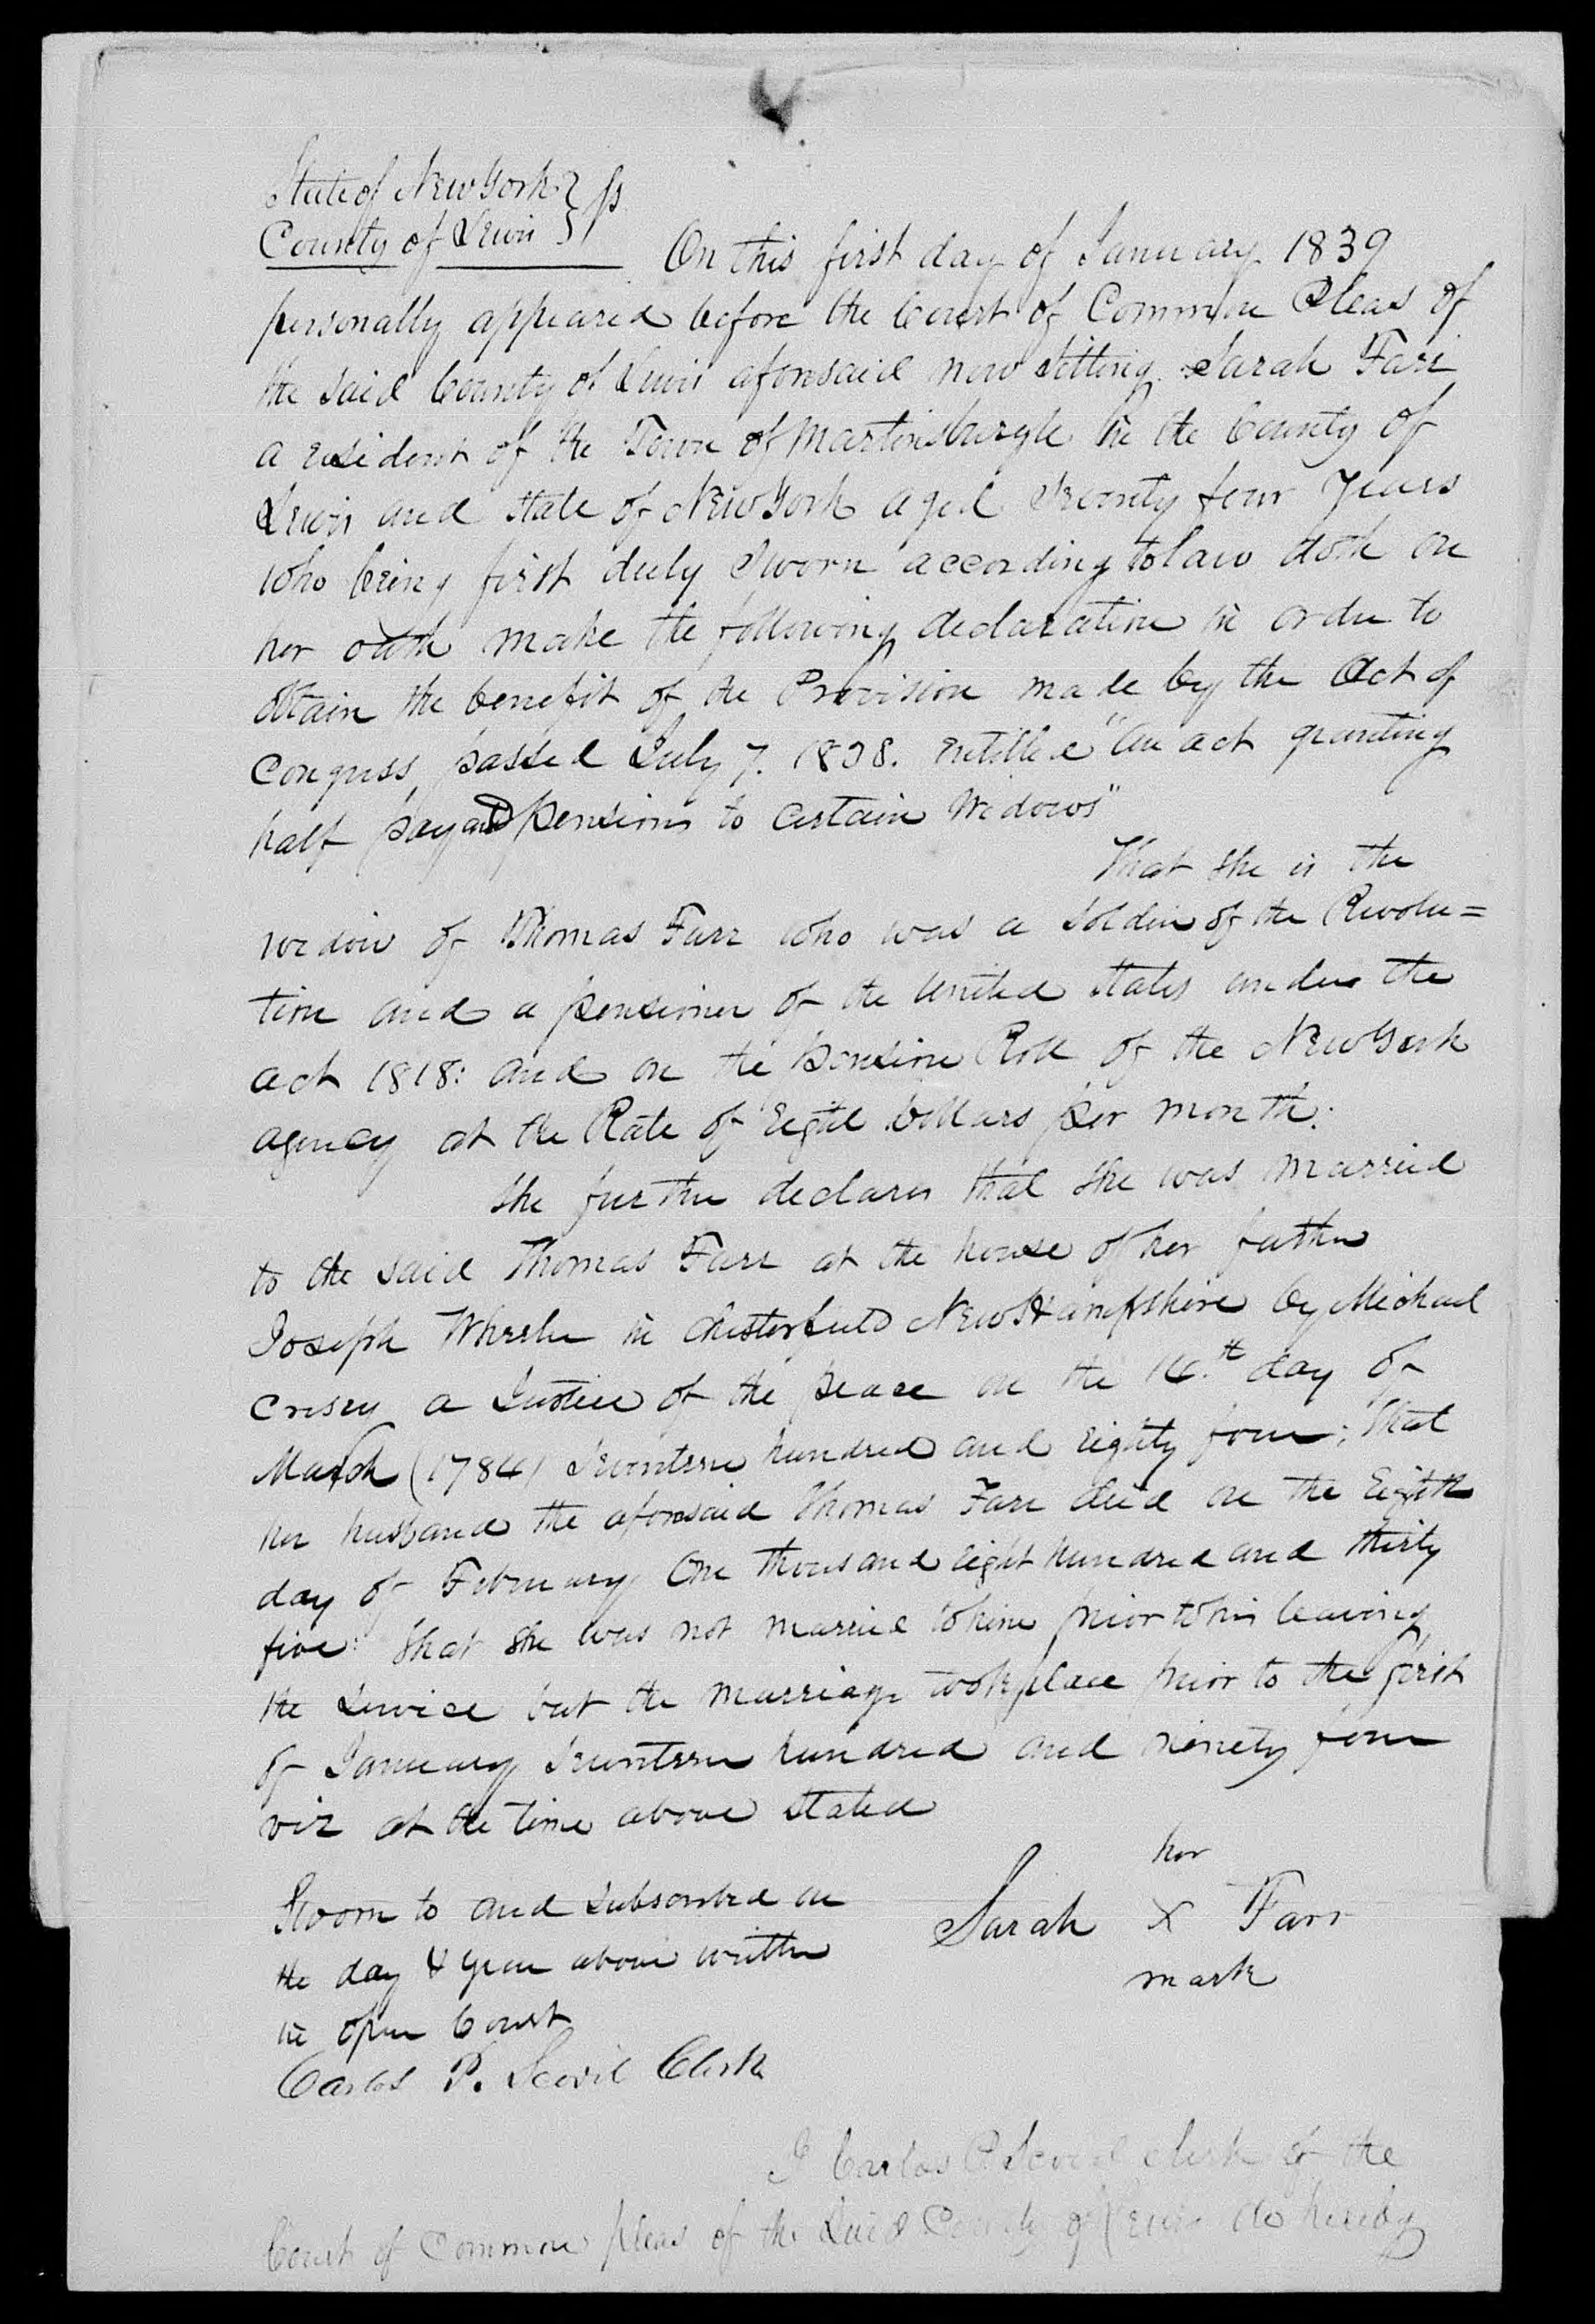State of New York
County of Lewis

On this first day of January 1839 personally appeared before the Court of Common Pleas of the said county of Lewis aforesaid now setting Sarah Farr a resident of the Town of Martinsburgh in the county of Lewis and State of New York aged seventy four years who being first duly sworn according to law doth on her oath make the following declaration in order to obtain the benefit of the Provision made by the Act of Congress passed July 7, 1808 entitled "An act granting half pay and pension to certain widows"

That she is the widow of Thomas Farr who was a soldier of the Revolution and a pensioner of the United States under the act 1818: and on the pension roll of the New York agency at the rate of eight dollars per month.

She further declares that she was married to the said Thomas Farr at the house of her father Joseph Wheeler in Chesterfield New Hampshire by Michael Crisey a Justice of the peace on the 16th day of March (1784) seventeen hundred and eighty four; that her husband the aforesaid Thomas Farr died on the eighth day of February one thousand and eight hundred and thirty five: that she was not married to him prior to his leaving the service but the marriage took place prior to the first of  January seventeen hundred and ninety four ? at the time above stated.

Sworn to and subscribed on the day and year above written in open court.
Carlos P. Scovil Clerk
I Carlos P. Scovil Clerk of the Court of Common Pleas of the said county of Lewis do hereby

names: Sarah Farr, Thomas Farr, Michael Cresey, Thomas Farr, Carlos P Scovil, Joseph Wheeler, Carlos P Scovil, Thomas Farr, Sarah Farr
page: 12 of 46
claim: widow's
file: W. 23022, Thomas Farr, N.H.